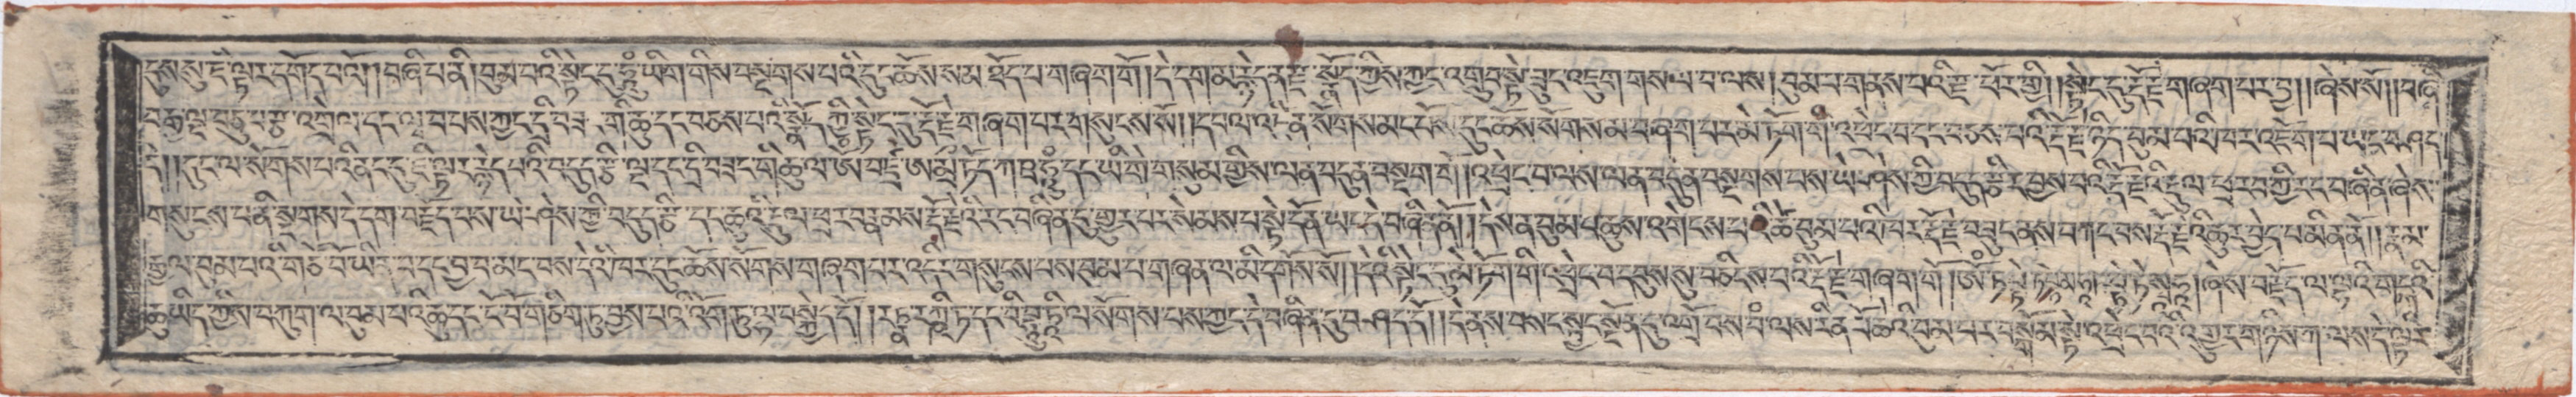དུས་སུ་ཇི་ལྟར་དགོད་པའོ། །བཞི་པ་ནི། བུམ་པའི་སྟེང་དུ་ཧཱུཾ་ཡིག་གིས་བསྔགས་པའི་དུང་ཆོས་སམ་ཐོད་པ་གཞག་གོ །དེ་དག་མ་རྙེད་ན་རྫ་སྣོད་ཀྱིས་ཀྱང་འགྲུབ་སྟེ་ཟུང་འཇུག་གསལ་བ་ལས། བུམ་པ་གནས་པའི་རྫ་ཕོར་གྱི། །སྟེང་དུ་རྡོ་རྗེ་གཞག་པར་བྱ། །ཞེས་སོ། །བཞི་
བརྒྱ་ལྔ་བཅུ་པ་རྩ་འགྲེལ་དང་ལྭ་བ་པས་ཀྱང་དྲི་བཟང་གི་ཆུ་དང་བཅས་པའི་སྣོད་ཀྱི་སྟེང་དུ་རྡོ་རྗེ་གཞག་པར་གསུངས་སོ། །དཔལ་འཛིན་སོགས་མང་པོས་དུང་ཆོས་སོགས་མ་བཞག་པར་མེ་ཏོག་གི་འཕྲེང་བ་དང་བཅས་པའི་རྡོ་རྗེ་ཉིད་བུམ་པའི་ཁར་འཇོག་པ་ཡང་བཤད་
དོ། །དུང་ལ་སོགས་པའི་ནང་དུ་ཇི་ལྟར་རྙེད་པའི་བདུད་རྩི་ལྔ་དང་དྲི་བཟང་གི་ཆུ་ལ་ཨོཾ་བཛྲ་ཨ་མྲྀ་ཏོད་ཀ་ཊཿཨ་ཧཱུཾ་དང་ཡི་གེ་གསུམ་གྱིས་ལན་བདུན་བསྔག་གོ །འཕྲེང་བ་ལས་ལན་བདུན་བསྔགས་པས་ཡེ་ཤེས་ཀྱི་བདུད་རྩིར་བྱས་པའི་རྡོ་རྗེའི་རྡུལ་ཕྲ་རབ་ཀྱི་རང་བཞིན་ཞེས་
གསུངས་པ་ནི་སྔགས་དེ་དག་བརྗོད་པས་ཡེ་ཤེས་ཀྱི་བདུད་རྩི་དང་ཆུའི་རྡུལ་ཕྲ་རབ་རྣམས་རྡོ་རྗེའི་རང་བཞིན་དུ་གྱུར་པར་སེམས་པ་སྟེ་དོན་ཡང་དེ་བཞིན་ནོ། །དེས་ན་བུམ་པ་ཆུས་འགེངས་པའི་ཚེ་བུམ་པའི་ཁར་རྡོ་རྗེ་བཟུང་ནས་བཀང་བས་རྡོ་རྗེའི་ཆུར་བྱེད་པ་མིན་ནོ། །རྣམ་
རྒྱལ་བུམ་པའི་གཙོ་བོ་ཡིན་པ་དང་བྱ་བ་མང་བས་དེའི་ཁར་དུང་ཆོས་སོགས་གཞག་པར་འདིར་གསུངས་པས་བུམ་པ་གཞན་ལ་མི་དགོས་སོ། །དེའི་སྟེང་དུ་མེ་ཏོག་གི་འཕྲེང་བ་དབུས་སུ་བཅིངས་པའི་རྡོ་རྗེ་གཞག་གོ །ཨོཾ་ཏ་པེཏ་ཏཔེཏ་མཧཱ། པྟེ་ཏེ་སྭཱ་ཧཱ། ཞེས་བརྗོད་ལ་ལྷའི་གངྒཱའི་
ཆུ་ཡིད་ཀྱིས་བཀུག་ལ་བུམ་པའི་ཆུ་དང་ངོ་བོ་གཅིག་ཏུ་བྱས་པའི་འོག་ཏུ་ལྷ་བསྐྱེད་དོ། །རཏྣ་རཀྵི་ཏ་དང་བི་བྷཱུ་ཏཱི་ལ་སོགས་པས་ཀྱང་དེ་བཞིན་དུ་བཤད་དོ། །དེ་ནས་བསང་སྦྱང་སྔོན་དུ་འགྲོ་བས་བཾ་ལས་རིན་པོ་ཆེའི་བུམ་པར་བསྒོམ་སྟེ་འཕྲེང་བའི་འགྱུར་གཉིས་ཀ་ལས་དེ་ལྟར་